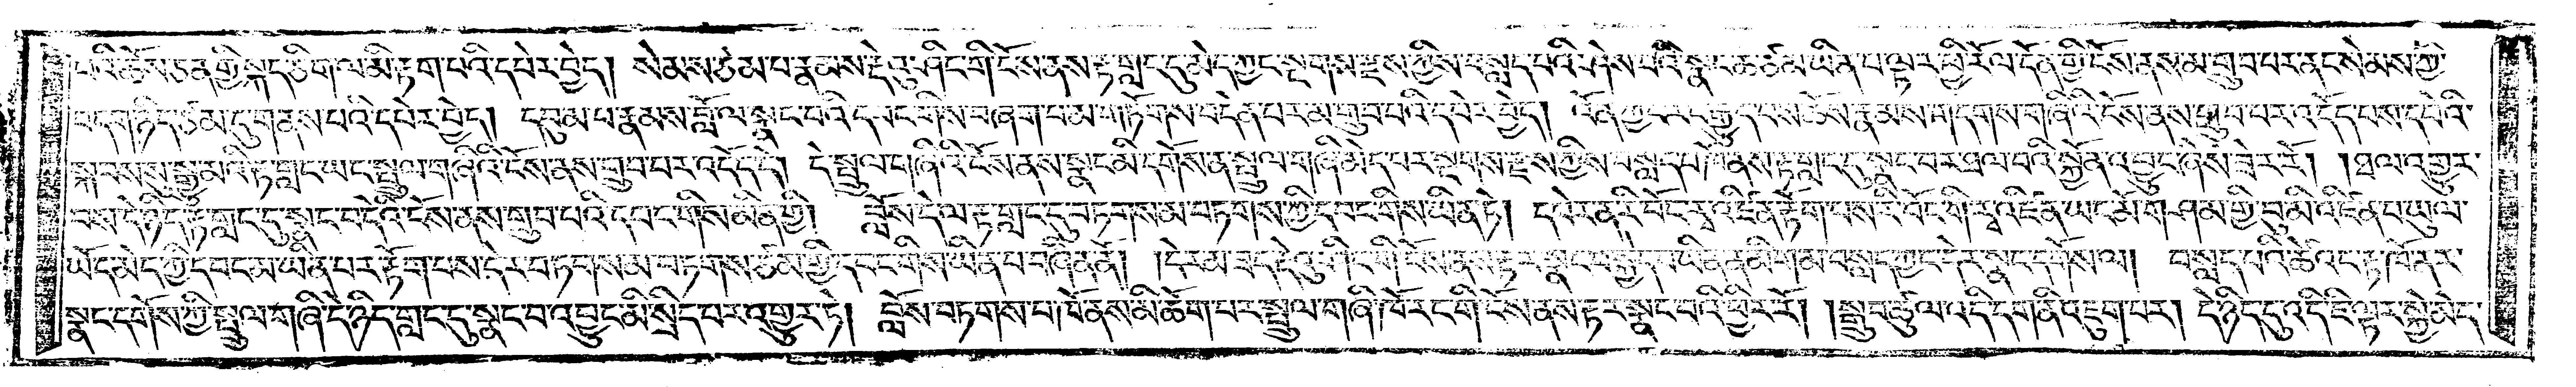བའི་ཆོས་ཅན་གྱི་སྐད་ཅིག་ལ་མི་རྟག་པའི་དཔེར་བྱེད། སེམས་ཙམ་པ་རྣམས་རྡེའུ་ཤིང་གི་ངོས་ནས་རྟ་གླང་དུ་མེད་ཀྱང་སྔགས་རྫས་ཀྱིས་བསླད་པའི་ཤེས་པའི་སྣང་ཆ་ཙམ་ཡིན་པ་ལྟར་ཕྱི་རོལ་དོན་གྱི་ངོས་ནས་མ་གྲུབ་པར་ནང་སེམས་ཀྱི་
བདག་ཉིད་ཙམ་དུ་གནས་པའི་དཔེར་བྱེད། དབུ་མ་པ་རྣམས་བློ་ལ་སྣང་བའི་དབང་གིས་བཞག་པ་མ་གཏོགས་བདེན་བར་མ་གྲུབ་བའི་དཔེར་བྱེད། འོན་ཀྱང་རང་རྒྱུད་པས་ཆོས་རྣམས་གདགས་གཞིའི་ངོས་ནས་གྲུབ་པར་འདོད་པས་དཔེའི་
སྐབས་སུ་སྒྱུ་མའི་རྟ་གླང་ཡང་སྤྲུལ་གཞིའི་ངོས་ནས་གྲུབ་པར་འདོད་དེ། དེ་སྤྲུལ་གཞིའི་ངོས་ནས་སྣང་མི་དགོས་ན་སྤྲུལ་གཞི་མེད་པར་སྔགས་རྫས་ཀྱིས་བསླད་པ་ཁོ་ནས་རྟ་གླང་དུ་སྣང་བར་ཐལ་བའི་སྐྱོན་འབྱུང་ཞེས་ཟེར་རོ། །ཐལ་འགྱུར་
བས་དེ་ཉིད་རྟ་གླང་དུ་སྣང་བ་དེའི་ངོས་ནས་གྲུབ་པའི་དབང་གིས་མིན་གྱི། བློས་དེ་ལ་རྟ་གླང་དུ་བཏགས་མ་བཏགས་ཀྱི་དབང་གིས་ཡིན་ཏེ། དཔེར་ན་རི་བོང་རྭ་འཛིན་རྟོག་པས་རི་བོང་གི་རྭ་འཛིན་ཡང་མོ་གཤམ་གྱི་བུ་མི་འཛིན་པ་ཡུལ་
ཡོད་མེད་ཀྱི་དབང་མ་ཡིན་པར་རྟོག་པས་དེར་བཏགས་མ་བཏགས་ཙམ་གྱི་དབང་གིས་ཡིན་པ་བཞིན་ནོ། །དེར་མ་ཟད་རྡེའུ་ཤིང་གི་ངོས་ནས་རྟར་སྣང་བསྐྱེད་པ་ཡིན་ན་མིག་མ་བསླད་ཀྱང་དེར་སྣང་དགོས་ལ། བསླད་པའི་ཚེའང་རྟ་ཁོ་ནར་
སྣང་དགོས་ཀྱི་སྤྲུལ་གཞི་དེ་ཉིད་གླང་དུ་སྣང་བ་འབྱུང་མི་སྲིད་པར་འགྱུར་ཏེ། བློས་བཏགས་པ་ཁོ་ནས་མི་ཆོག་པར་སྤྲུལ་གཞི་ཁོ་རང་གི་ངོས་ནས་རྟར་སྣང་བའི་ཕྱིར་རོ། །སྒྲུབ་ཚུལ་འདི་དག་ནི་འཇུག་པར། དེ་ཉིད་དུ་འདི་ཇི་ལྟར་སྐྱེ་མེད་